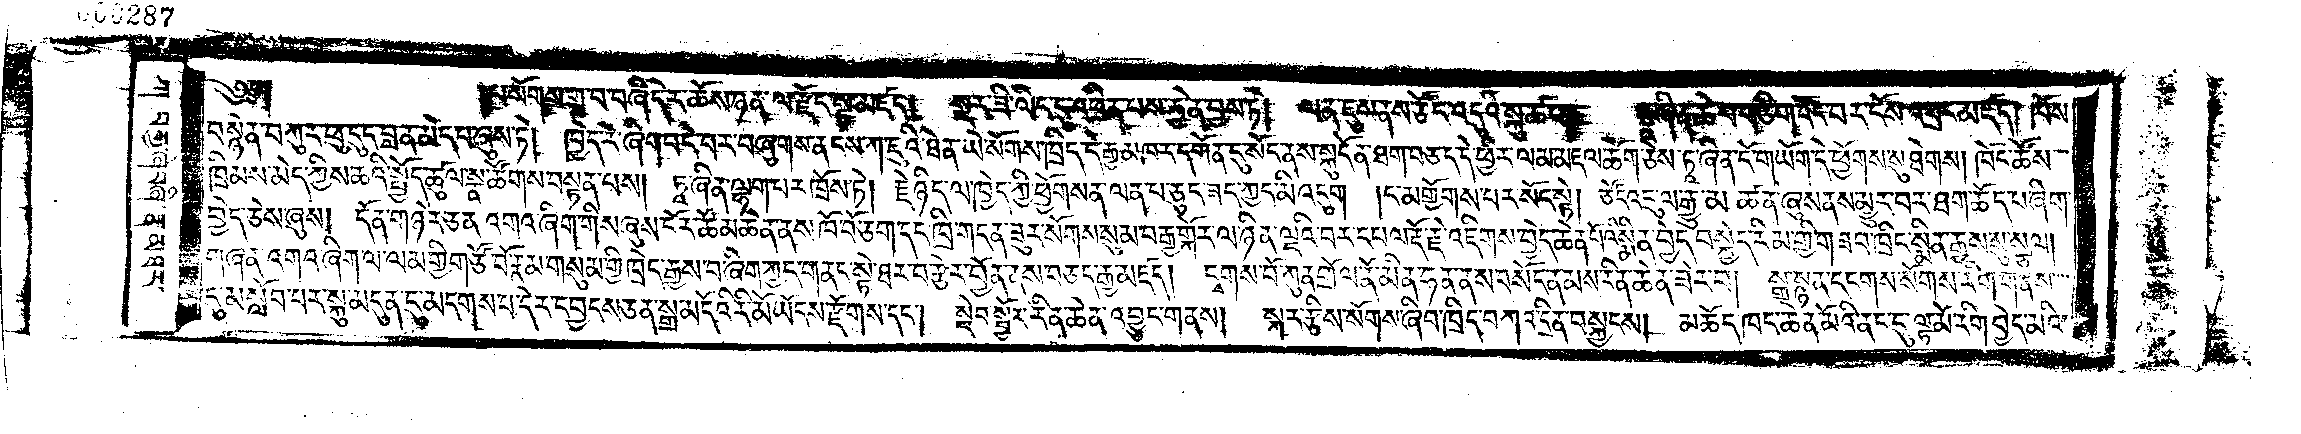༄༅། །པ་སོགས་གྲྭ་བ་བཞི་དེར་ཆོས་ཉན་ལ་རྫོང་སྟ་མཛད། སྔར་ཟི་ལིང་དུ་འཕྲིན་པས་རྐྱེན་བྱས་ཏེ། ལན་ཇུས་ནས་ཙོང་འདུའི་སྐུ་ཚབ། ཏཱ་ཞིན་ཆེ་བ་གཅིག་འོང་བར་ངོས་འཕྲད་མཛད༑ ཁོས་
བསྙེན་བཀུར་ཕུ་དུང་བླ་ན་མེད་པ་ཞུས་ཏེ། ཁྱེད་རེ་ཞིག་བདེ་བར་བཞུགས་ན་ངས་ཀ་ཇུའི་ཐེན་ཡེ་སོགས་ཁྲིད་དེ་རྒྱ་མཁར་དགོན་དུ་སོང་ནས་སྐུ་དོན་ཐག་བཅད་དེ་ཕྱིར་ལམ་མཇལ་ཆོག་ཅེས་ཏཱ་ཞིན་ངོ་གཡོག་དེ་ཕྱོགས་སུ་ཐེགས། ཁོང་ཚོས་
ཁྲིམས་མེད་ཀྱིས་ཆའི་སྤྱོད་ཚུལ་སྣ་ཚོགས་བསྟན་པས། ཏཱ་ཞིན་ལྷག་པར་ཁྲོས་ཏེ། རྗེ་ཉིད་ལ་ཁྱེད་ཀྱི་ཕྱོགས་ན་ལན་པ་ཅུང་ཟད་ཀྱང་མི་འདུག །ང་མགྱོགས་པར་སོང་སྟེ། ཙོང་འདུ་ལ་རྒྱུ་མཚན་ཞུས་ནས་མྱུར་པར་ཐག་ཆོད་པ་ཞིག་
བྱེད་ཅེས་ཞུས། དོན་གཉེར་ཅན་འགའ་ཞིག་གིས་ཞུས་ངོར་ཚོམ་ཆེན་ནས་ཁོ་བོ་ཅག་དང་ཁྲི་གདན་ཟུར་སོགས་སུམ་བརྒྱ་སྐོར་ལ་ཉིན་ལྔའི་བར་དཔལ་རྡོ་རྗེ་འཇིགས་བྱེད་ཆེན་པོའི་སྨིན་བྱེད་བསྐྱེད་རིམ་གྱི་གཟབ་ཁྲིད་སྨིན་རྒྱས་སུ་སྩལ།
གཞན་འགའ་ཞིག་ལ་ལམ་གྱི་གཙོ་བོ་རྣམ་གསུམ་གྱི་ཁྲིད་རྒྱས་པ་ཞིག་ཀྱང་གནང་སྟེ་ཐར་པ་རྩེར་བྱོན་ནས་བཅད་རྒྱ་མཛད། དྭགས་པོ་ཀུན་གྲོལ་ནོ་མིན་ཧན་ནས་བསོད་ནམས་རིན་ཆེན་ཟེར་བ། སྒྲ་སྙན་དངགས་སོགས་རིག་གནས་
དུ་མ་སློབ་པར་སྐུ་མདུན་དུ་མངགས་པ་དེར་དབྱངས་ཅན་སྒྲ་མདོའི་རི་མོ་ཡོངས་རྫོགས་དང་། སྡེ་པ་སྦྱོར་རིན་ཆེན་འབྱུང་གནས། སྐར་རྩིས་སོགས་ཞིབ་ཁྲིད་བཀའ་དྲིན་བསྐྱངས། མཆོད་ཁང་ཆེན་མོའི་ནང་དུ་ལྷ་མོ་རིག་བྱེད་མའི་